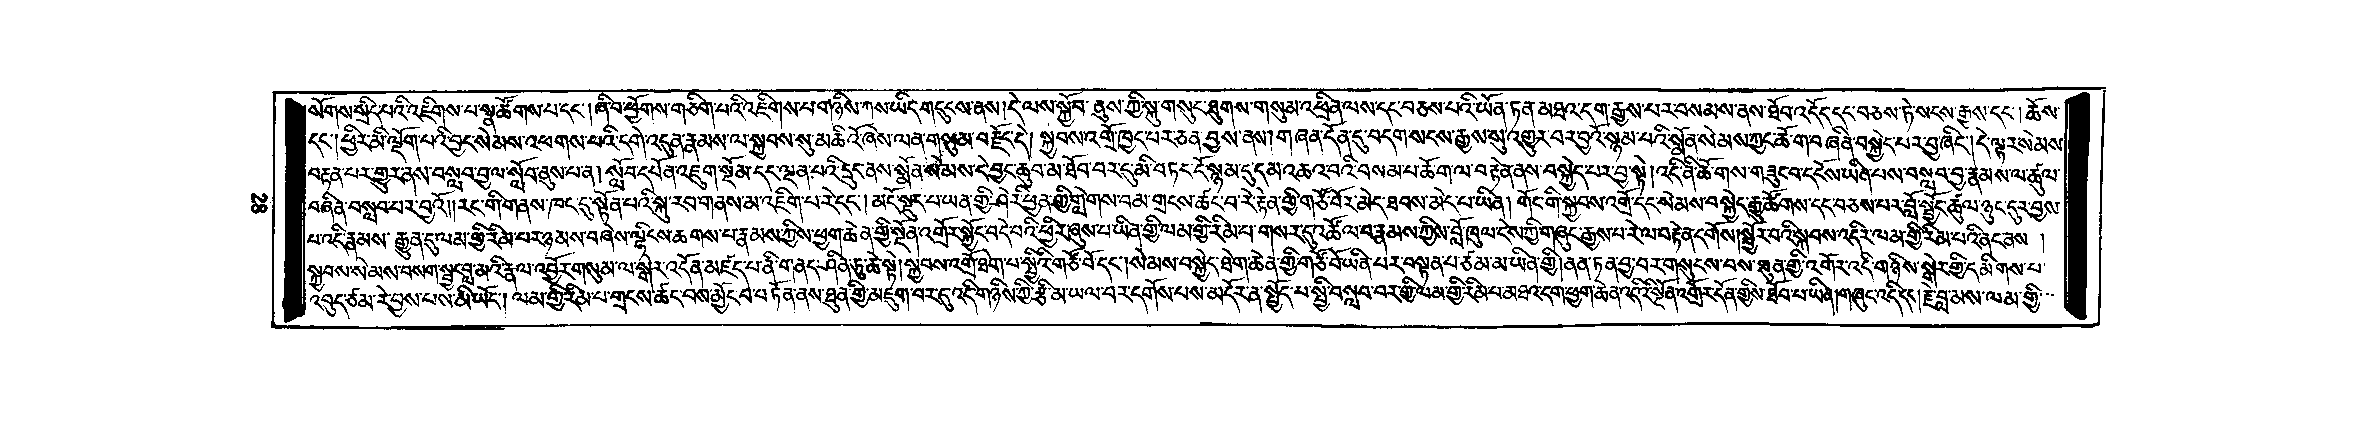སོགས་སྲིད་པའི་འཇིགས་པ་སྣ་ཚོགས་པ་དང་། ཞི་བ་ཕྱོགས་གཅིག་པའི་འཇིགས་པ་གཉིས་ཀས་ཡིད་གདུངས་ནས། དེ་ལས་སྐྱོབ་ནུས་ཀྱི་སྐུ་གསུང་ཐུགས་གསུམ་འཕྲིན་ལས་དང་བཅས་པའི་ཡོན་ཏན་མཐའ་དག་རྒྱས་པར་བསམས་ནས་ཐོབ་འདོད་དང་བཅས་ཏེ་སངས་རྒྱས་དང་། ཆོས་
དང་། ཕྱིར་མི་ལྡོག་པའི་བྱང་སེམས་འཕགས་པའི་དགེ་འདུན་རྣམས་ལ་སྐྱབས་སུ་མཆིའོ་ཞེས་ལན་གསུམ་བརྗོད་དེ། སྐྱབས་འགྲོ་ཁྱད་པར་ཅན་བྱས་ནས། གཞན་དོན་དུ་བདག་སངས་རྒྱས་སུ་འགྱུར་བར་བྱའོ་སྙམ་པའི་སྨོན་སེམས་ཀྱང་ཆོ་ག་བཞིན་བསྐྱེད་པར་བྱ་ཞིང་། དེ་ལྟར་སེམས་
བརྟན་པར་གྱུར་ནས་བསླབ་བྱ་ལ་སློབ་ནུས་པ་ན། སློབ་དཔོན་འཇུག་སྡོམ་དང་ལྡན་པའི་དྲུང་ནས་སྨོན་སེམས་དེ་བྱང་ཆུབ་མ་ཐོབ་བར་དུ་མི་བཏང་ངོ་སྙམ་དུ་དམ་འཆའ་བའི་བསམ་པ་ཆོ་ག་ལ་བརྟེན་ནས་བསྐྱེད་པར་བྱ་སྟེ། འདི་ནི་ཆོ་གས་གཟུང་བ་དངོས་ཡིན་པས་བསླབ་བྱ་རྣམས་ལ་ཚུལ་
བཞིན་བསླབ་པར་བྱའོ། །རང་གི་གནས་ཁང་དུ་སྟོན་པའི་སྐུ་རབ་གནས་མ་འཇིག་པ་རེ་དང་། མདོ་སྡུད་པ་ཡན་གྱི་ཤེར་ཕྱིན་གྱི་གླེགས་བམ་གྲངས་ཚང་བ་རེ་རྟེན་གྱི་གཙོ་བོར་མེད་ཐབས་མེད་པ་ཡིན། གོང་གི་སྐྱབས་འགྲོ་དང་སེམས་བསྐྱེད་རྒྱུ་ཚོགས་དང་བཅས་པར་བློ་སྦྱོང་ཚུལ་ཉུང་དུར་བྱས་
པ་འདི་རྣམས་རྒྱུན་དུ་ལམ་གྱི་རིམ་པར་ཉམས་བཞེས་ལྷིངས་ཆགས་པ་རྣམས་ཀྱིས་ཕྱག་ཆེན་གྱི་སྔོན་འགྲོར་སྐྱོང་བདེ་བའི་ཕྱིར་ཞུས་པ་ཡིན་གྱི་ལམ་གྱི་རིམ་པ་གསར་དུ་འཚོལ་བ་རྣམས་ཀྱིས་བློ་ཁུལ་ངེས་ཀྱི་གཞུང་རྒྱས་པ་རེ་ལ་བརྟེན་དགོས། སྦྱོར་བའི་སྐབས་འདིར་ལམ་གྱི་རིམ་པའི་ནང་ནས།
སྐྱབས་སེམས་བསག་སྦྱང་བླ་མའི་རྣལ་འབྱོར་གསུམ་ལ་སྒེར་འདོན་མཛད་པ་ནི་གནད་ཤིན་ཏུ་ཆེ་སྟེ། སྐྱབས་འགྲོ་ཐེག་པ་སྤྱིའི་གཙོ་བོ་དང་། སེམས་བསྐྱེད་ཐེག་ཆེན་གྱི་གཙོ་བོ་ཡིན་པར་བསྟན་པ་ཙམ་མ་ཡིན་གྱི། ནན་ཏན་བྱ་བར་གསུངས་བས་ཐུན་གྱི་འགོར་འདི་གཉིས་སྒེར་གྱི་དམིགས་པ་
འབུད་ཙམ་རེ་བྱས་པས་མི་ཡོང་། ལམ་གྱི་རིམ་པ་གྲངས་ཚང་བས་མྱོང་བ་བཏོན་ནས་ཐུན་གྱི་མཇུག་བར་དུ་འདི་གཉིས་ཀྱི་རྩི་མ་ཡལ་བར་དགོས་པས་མདོར་ན་སྤྱོད་པ་སྤྱི་བསླབ་བར་གྱི་ལམ་གྱི་རིམ་པ་མཐའ་དག་ཕྱག་ཆེན་འདིའི་སྔོན་འགྲོར་དོན་གྱིས་ཐོབ་པ་ཡིན། གཞུང་འདི་དང་། རྗེ་བླ་མས་ལམ་གྱི་